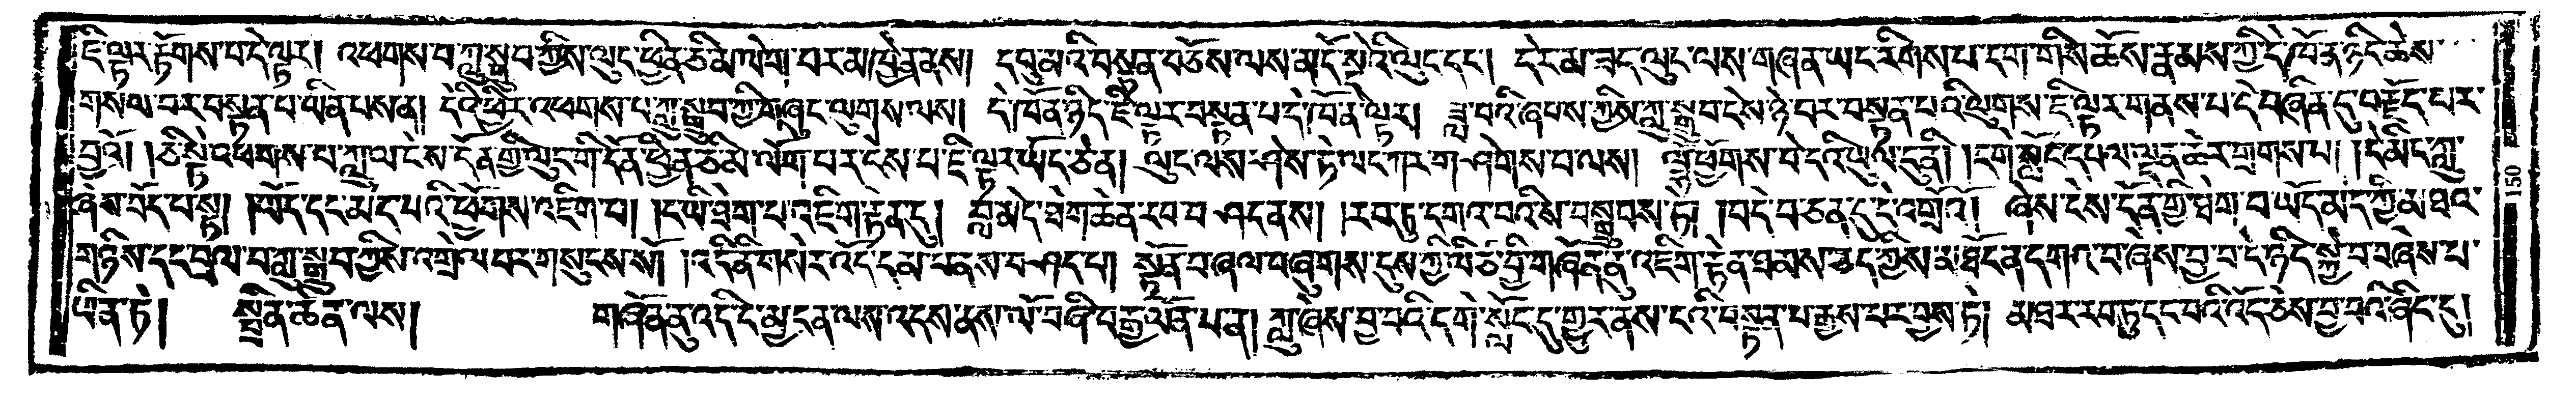ཇི་ལྟར་རྟོགས་པ་དེ་ལྟར། འཕགས་པ་ཀླུ་སྒྲུབ་ཀྱིས་ལུང་ཕྱིན་ཅི་མ་ལོག་པར་མཁྱེན་ནས། དབུ་མའི་བསྟན་བཅོས་ལས་མདོ་སྡེའི་ལུང་དང་། དེར་མ་ཟད་ལུང་ལས་གཞན་ཡང་རིགས་པ་དག་གིས་ཆོས་རྣམས་ཀྱི་དེ་ཁོ་ན་ཉིད་ཆེས་
གསལ་བར་བསྟན་པ་ཡིན་པས་ན། དེའི་ཕྱིར་འཕགས་པ་ཀླུ་སྒྲུབ་ཀྱི་གཞུང་ལུགས་ལས། དེ་ཁོ་ན་ཉིད་ཇི་ལྟར་བསྟན་པ་དེ་ཁོ་ན་ལྟར། ཟླ་བའི་ཞབས་ཀྱིས་ཀླུ་སྒྲུབ་དེས་ཉེ་བར་བསྟན་པའི་ལུགས་ཇི་ལྟར་གནས་པ་དེ་བཞིན་དུ་བརྗོད་པར་
བྱའོ། །ཅི་སྟེ་འཕགས་པ་ཀླུ་ལ་ངེས་དོན་གྱི་ལུང་གི་དོན་ཕྱིན་ཅི་མ་ལོག་པར་ངེས་པ་ཇི་ལྟར་ཡོད་ཅེ་ན། ལུང་ལས་ཤེས་ཏེ་ལང་ཀར་གཤེགས་པ་ལས། ལྷོ་ཕྱོགས་བེ་དའི་ཡུལ་དུ་ནི། །དགེ་སློང་དཔལ་ལྡན་ཆེར་གྲགས་པ། །དེ་མིང་ཀླུ་
ཞེས་བོད་པ་སྟེ། ཡོད་དང་མེད་པའི་ཕྱོགས་འཇིག་པ། །ང་ཡི་ཐེག་པ་འཇིག་རྟེན་དུ། །བླ་མེད་ཐེག་ཆེན་རབ་བཤད་ནས། །རབ་ཏུ་དགའ་བའི་ས་བསྒྲུབས་ཏེ། །བདེ་བ་ཅན་དུ་དེ་འགྲོའོ། ཞེས་ངེས་དོན་གྱི་ཐེག་པ་ཡོད་མེད་ཀྱི་མཐའ་
གཉིས་དང་བྲལ་བ་ཀླུ་སྒྲུབ་ཀྱིས་འགྲེལ་པར་གསུངས་སོ། །འདི་ནི་གསེར་འོད་དམ་པ་ནས་བཤད་པ། སྟོན་པ་ཞལ་བཞུགས་དུས་ཀྱི་ལི་ཙ་བྱི་གཞོན་ནུ་འཇིག་རྟེན་ཐམས་ཅད་ཀྱིས་མཐོང་ན་དགའ་བ་ཞེས་བྱ་བ་དེ་ཉིད་སྐྱེ་བ་བཞེས་པ་
ཡིན་ཏེ། སྤྲིན་ཆེན་ལས། གཞོན་ནུ་འདི་མྱ་ངན་ལས་འདས་ནས་ལོ་བཞི་བརྒྱ་ལོན་པ་ན། ཀླུ་ཞེས་བྱ་བའི་དགེ་སློང་དུ་གྱུར་ནས་ངའི་བསྟན་པ་རྒྱས་པར་བྱས་ཏེ། མཐར་རབ་ཏུ་དང་བའི་འོད་ཅེས་བྱ་བའི་ཞིང་དུ།